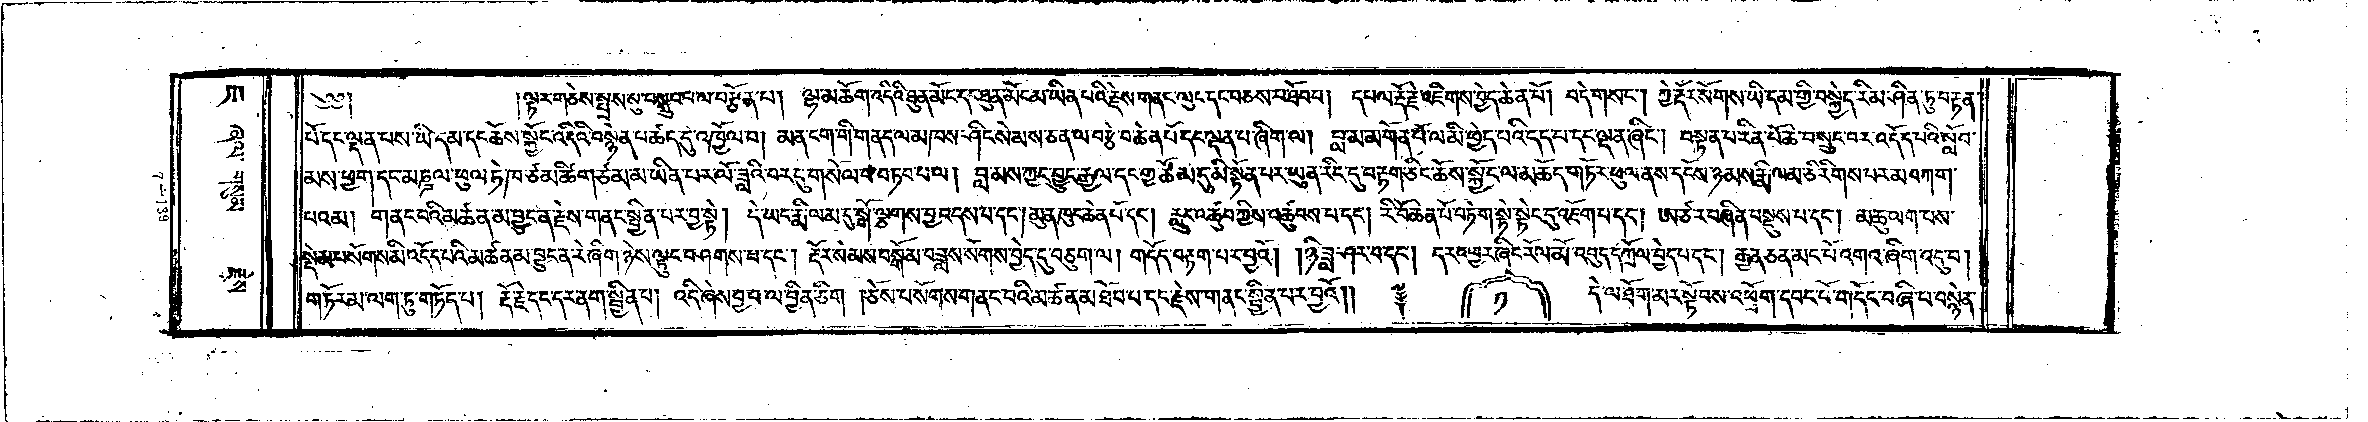༄༅། །ལྟར་གཅེས་སྤྲས་སུ་བསྲུང་བ་ལ་བརྩོན་པ། ལྷ་མཆོག་འདིའི་ཐུན་མོང་དང་ཐུན་མོང་པ་ཡིན་པའི་རྗེས་གནང་ལུང་དང་བཅས་བ་ཐོབ་བ། དཔལ་རྡོ་རྗེ་འཇིགས་བྱེད་ཆེན་པོ། བདེ་གསང་། ཀྱེ་རྡོར་སོགས་ཡི་དམ་གྱི་བསྐྱེད་རིམ་ཤིན་ཏུ་བརྟན་
པོ་དང་ལྡན་པས་ཡི་དམ་དང་ཆོས་སྐྱོང་འདིའི་བསྙེན་པ་ཚད་དུ་འཁྱོལ་བ། མན་ངག་གི་གནད་ལ་མཁས་ཤིང་སེམས་ཅན་ལ་བརྩེ་བ་ཆེན་པོ་དང་ལྡན་པ་ཞིག་ལ། བླ་མ་མགོན་པོ་ལ་མི་བྱེད་པའི་དད་པ་དང་ལྡན་ཞིང་། བསྟན་པ་རིན་པོ་ཆེ་བསྲུང་བར་འདོད་པའི་སློབ་
མས་ཕྱག་དང་མཎྜལ་ཕུལ་ཏེ་ཁ་ཙམ་ཚིག་ཙམ་མ་ཡིན་པར་ལོ་ཟླའི་བར་དུ་གསོལ་བ་བཏབ་པ་པ་ལ། བླ་མས་ཀྱང་བྱུང་ཚུལ་དང་གྱ་ཚོམ་དུ་མི་སྟོན་པར་ཡུན་རིང་དུ་བརྟག་ཅིང་ཆོས་སྐྱོང་ལ་མཆོད་གཏོར་ཕུལ་ནས་དངོས་ཉམས་རྨི་ལམ་ཅི་རིགས་པར་མ་བཀག་
པའམ། གནང་བའི་མཚན་མ་བྱུང་ན་རྗེས་གནང་སྦྱིན་པར་བྱ་སྟེ། དེ་ཡང་རྨི་ལམ་དུ་སྒོ་ལྕགས་བྱ་འདས་པ་དང་། མུན་ཁུང་ཆེན་པོ་དང་། རླུང་འཚུབ་ཀྱིས་འཚུབས་པ་དང་། རི་བོ་ཆེན་པོ་བཏེག་སྟེ་སྟེང་དུ་འཇོག་པ་དང་། ཨ་ཙར་བཞིན་བསྡུས་པ་དང་། མཆུ་ལག་བས་
སྡེམ་པ་སོགས་མི་འདོད་པའི་མཚན་མ་བྱུང་ན་རེ་ཞིག་ཉེས་ལྟུང་བཤགས་པ་དང་། རྡོར་སེམས་བསྒོམ་བཟླས་སོགས་བྱེད་དུ་བཅུག་ལ། གདོད་བརྟག་པར་བྱའོ། །ཉི་ཟླ་ཤར་བ་དང་། དར་འབྱར་ཞིང་རོལ་མོ་འབུད་དཀྲོལ་བྱེད་པ་དང་། རྒྱན་ཅན་མང་པོ་འགའ་ཞིག་འདུབ།
གཏོར་མ་ལག་ཏུ་གཏོད་པ། རྡོ་རྗེ་དང་དར་ནག་སྦྱིན་པ། འདི་ཞེས་བྱ་བ་ལ་བྱིན་ཅིག །ཅེས་པ་སོགས་གནང་བའི་མཚན་མ་ཐོབ་པ་དང་རྗེས་གནང་སྦྱིན་པར་བྱའོ།། ༈ ༼༽༡༼༽ དེ་ལ་ཐོག་མར་སྟོབས་འཕྲོག་དབང་པོ་གདོང་བཞི་པ་བསྙེན་